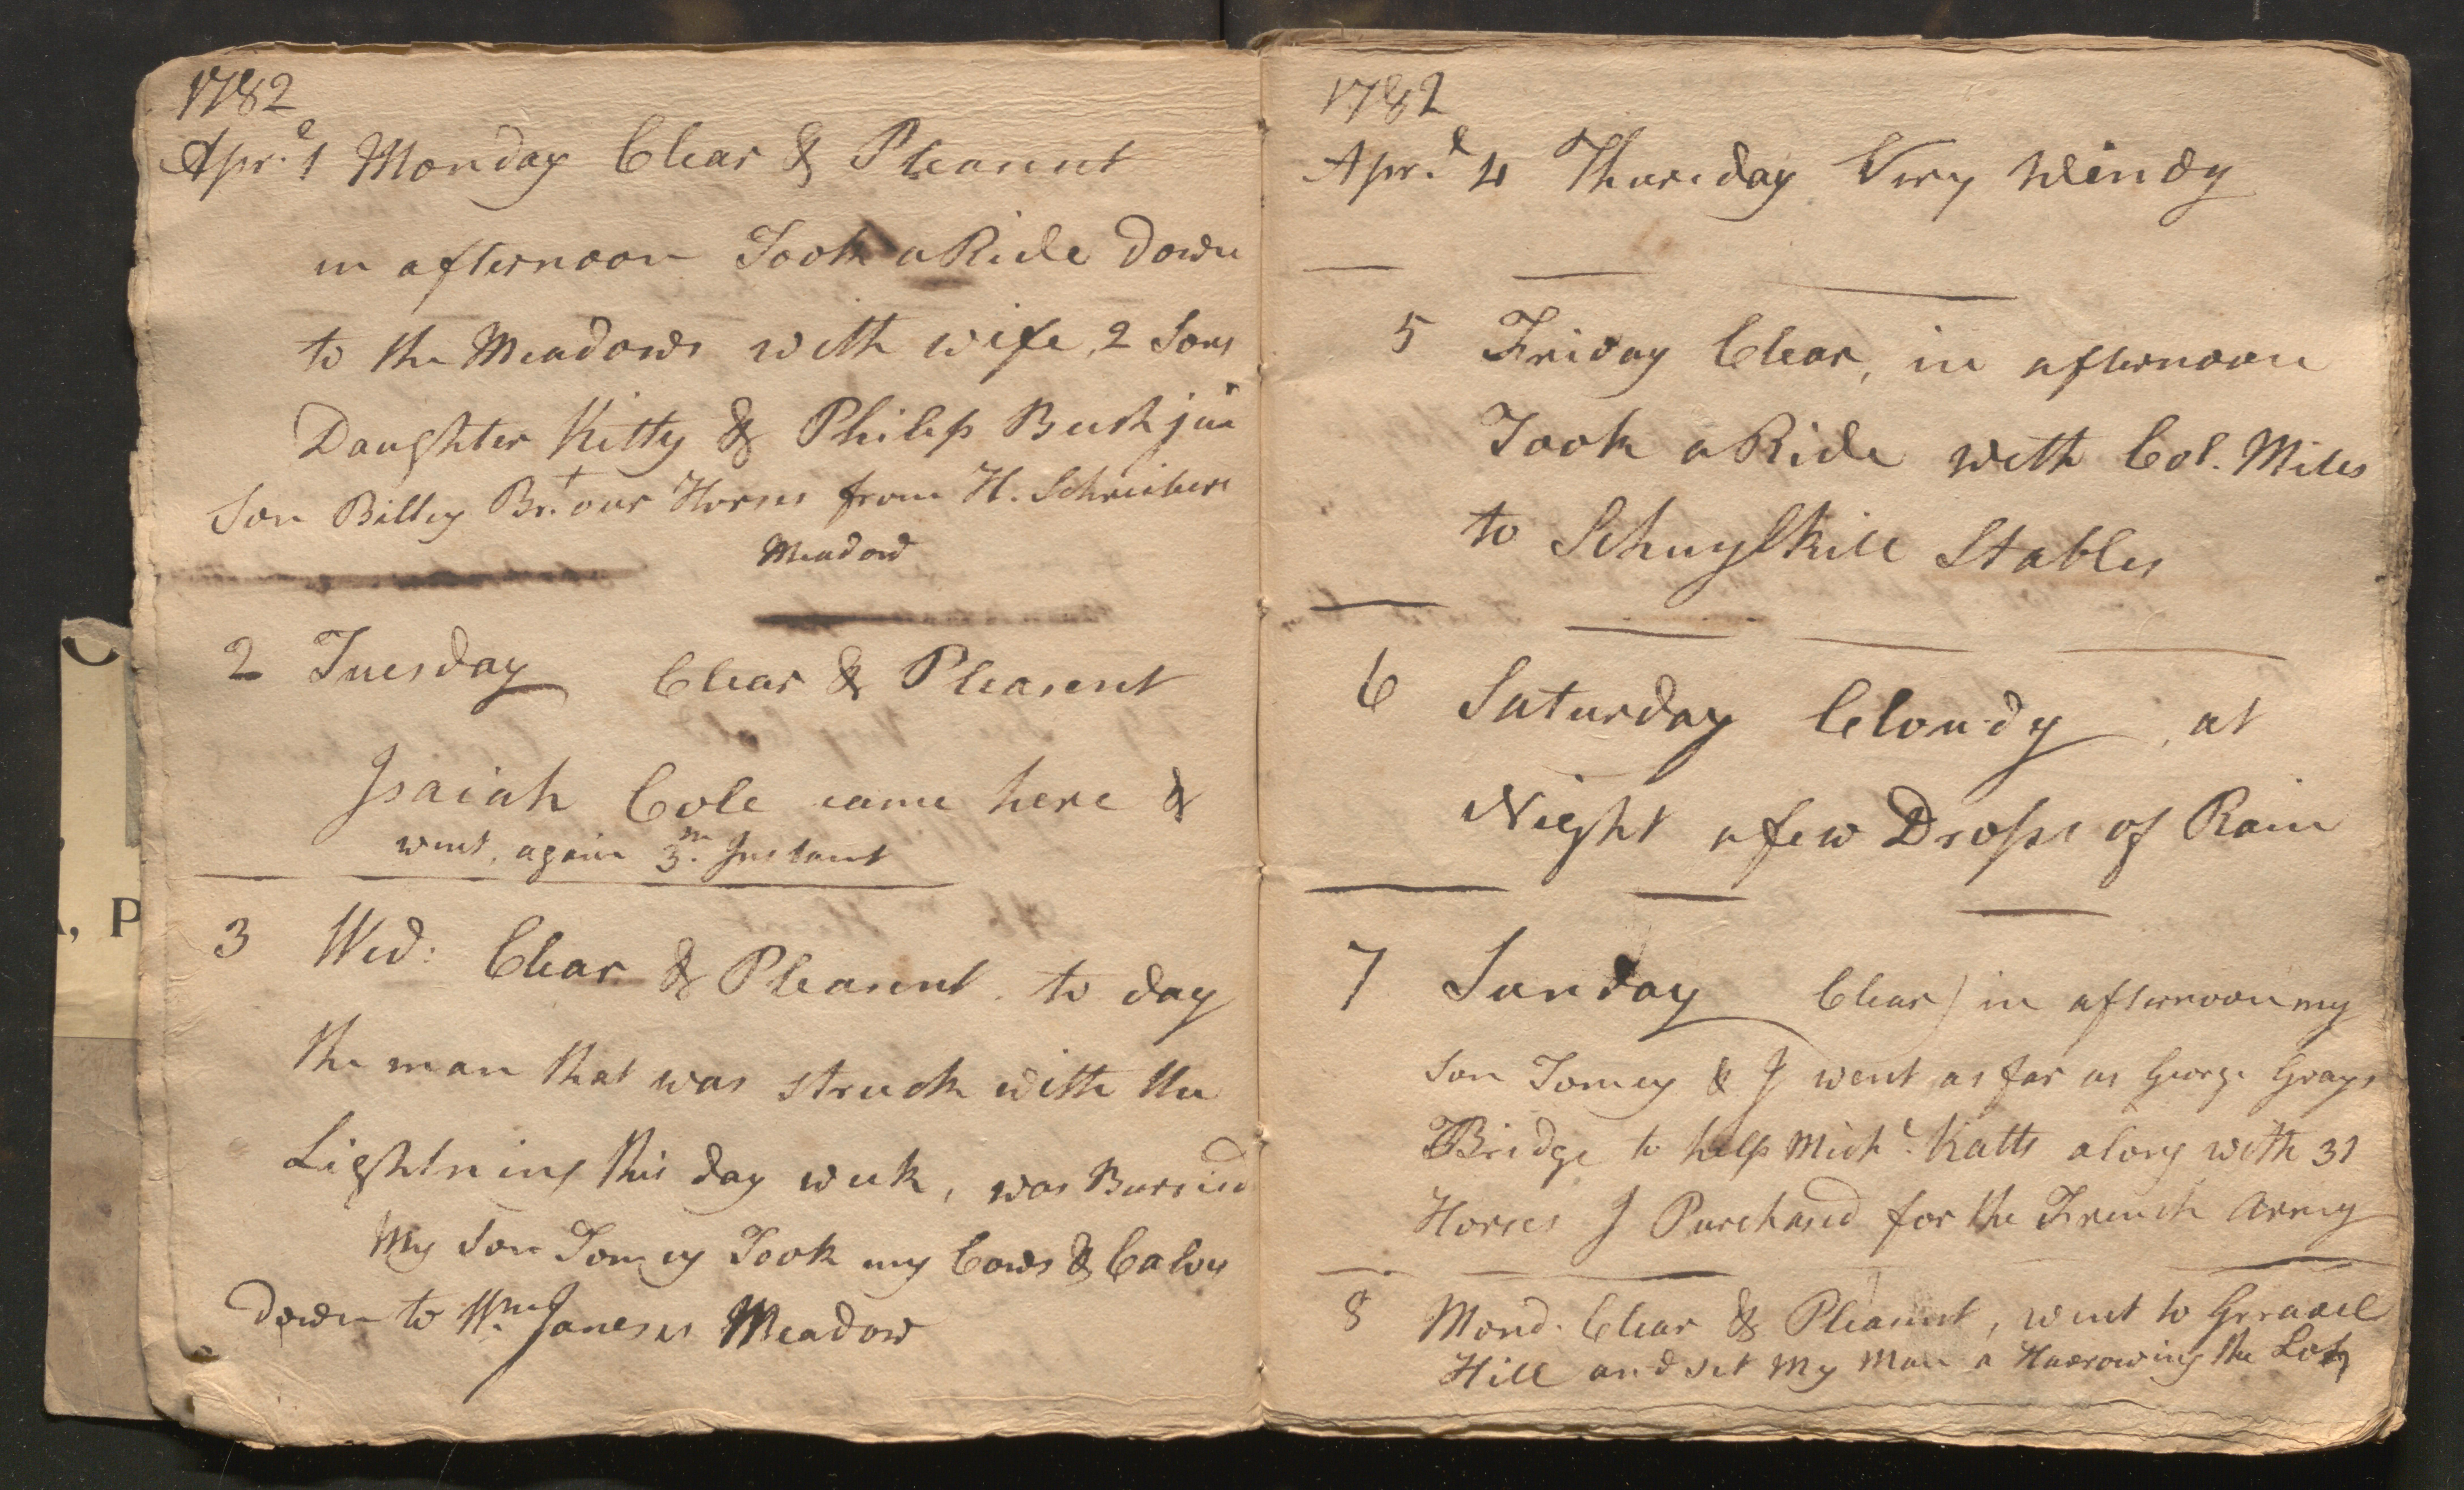1782
Apr^l. 1 Monday Clear & Pleasent
in afternoon Took a Rice down
to the Meadows with wife, 2 Sons
Daughter Kitty & Philip Bush jun^r
Son Billey Br^t. our Horses from H. Schreibers
Meadow
2 Tuesday Clear & Pleasent
Isaiah Cole came here &
went, again 3^th. Instant
3 Wed. Clear & Pleasent to day
the man that was struck with the
Lightning this day week, was Burried
My Son Tomey Took my Cows & Calves
down to W^m Janeses Meadow
1782
Apr^l. 4 Thursday Very Windy
5 Friday Clear in afternoon
Took a Ride with Col. Miles
to Schuylkill Stables
6 Saturday Cloudy at
Night a few Dropes of Rain
7 Sunday Clear in afternoon my
Son Tomey & I went as far as George Grays
Bridge to help Mich^l. Katts along with 31
Horses I Purchased for the French Army
8 Mond. Clear & Pleasest, went to Gravel
Hill and set My Man a Harrowing the Lots